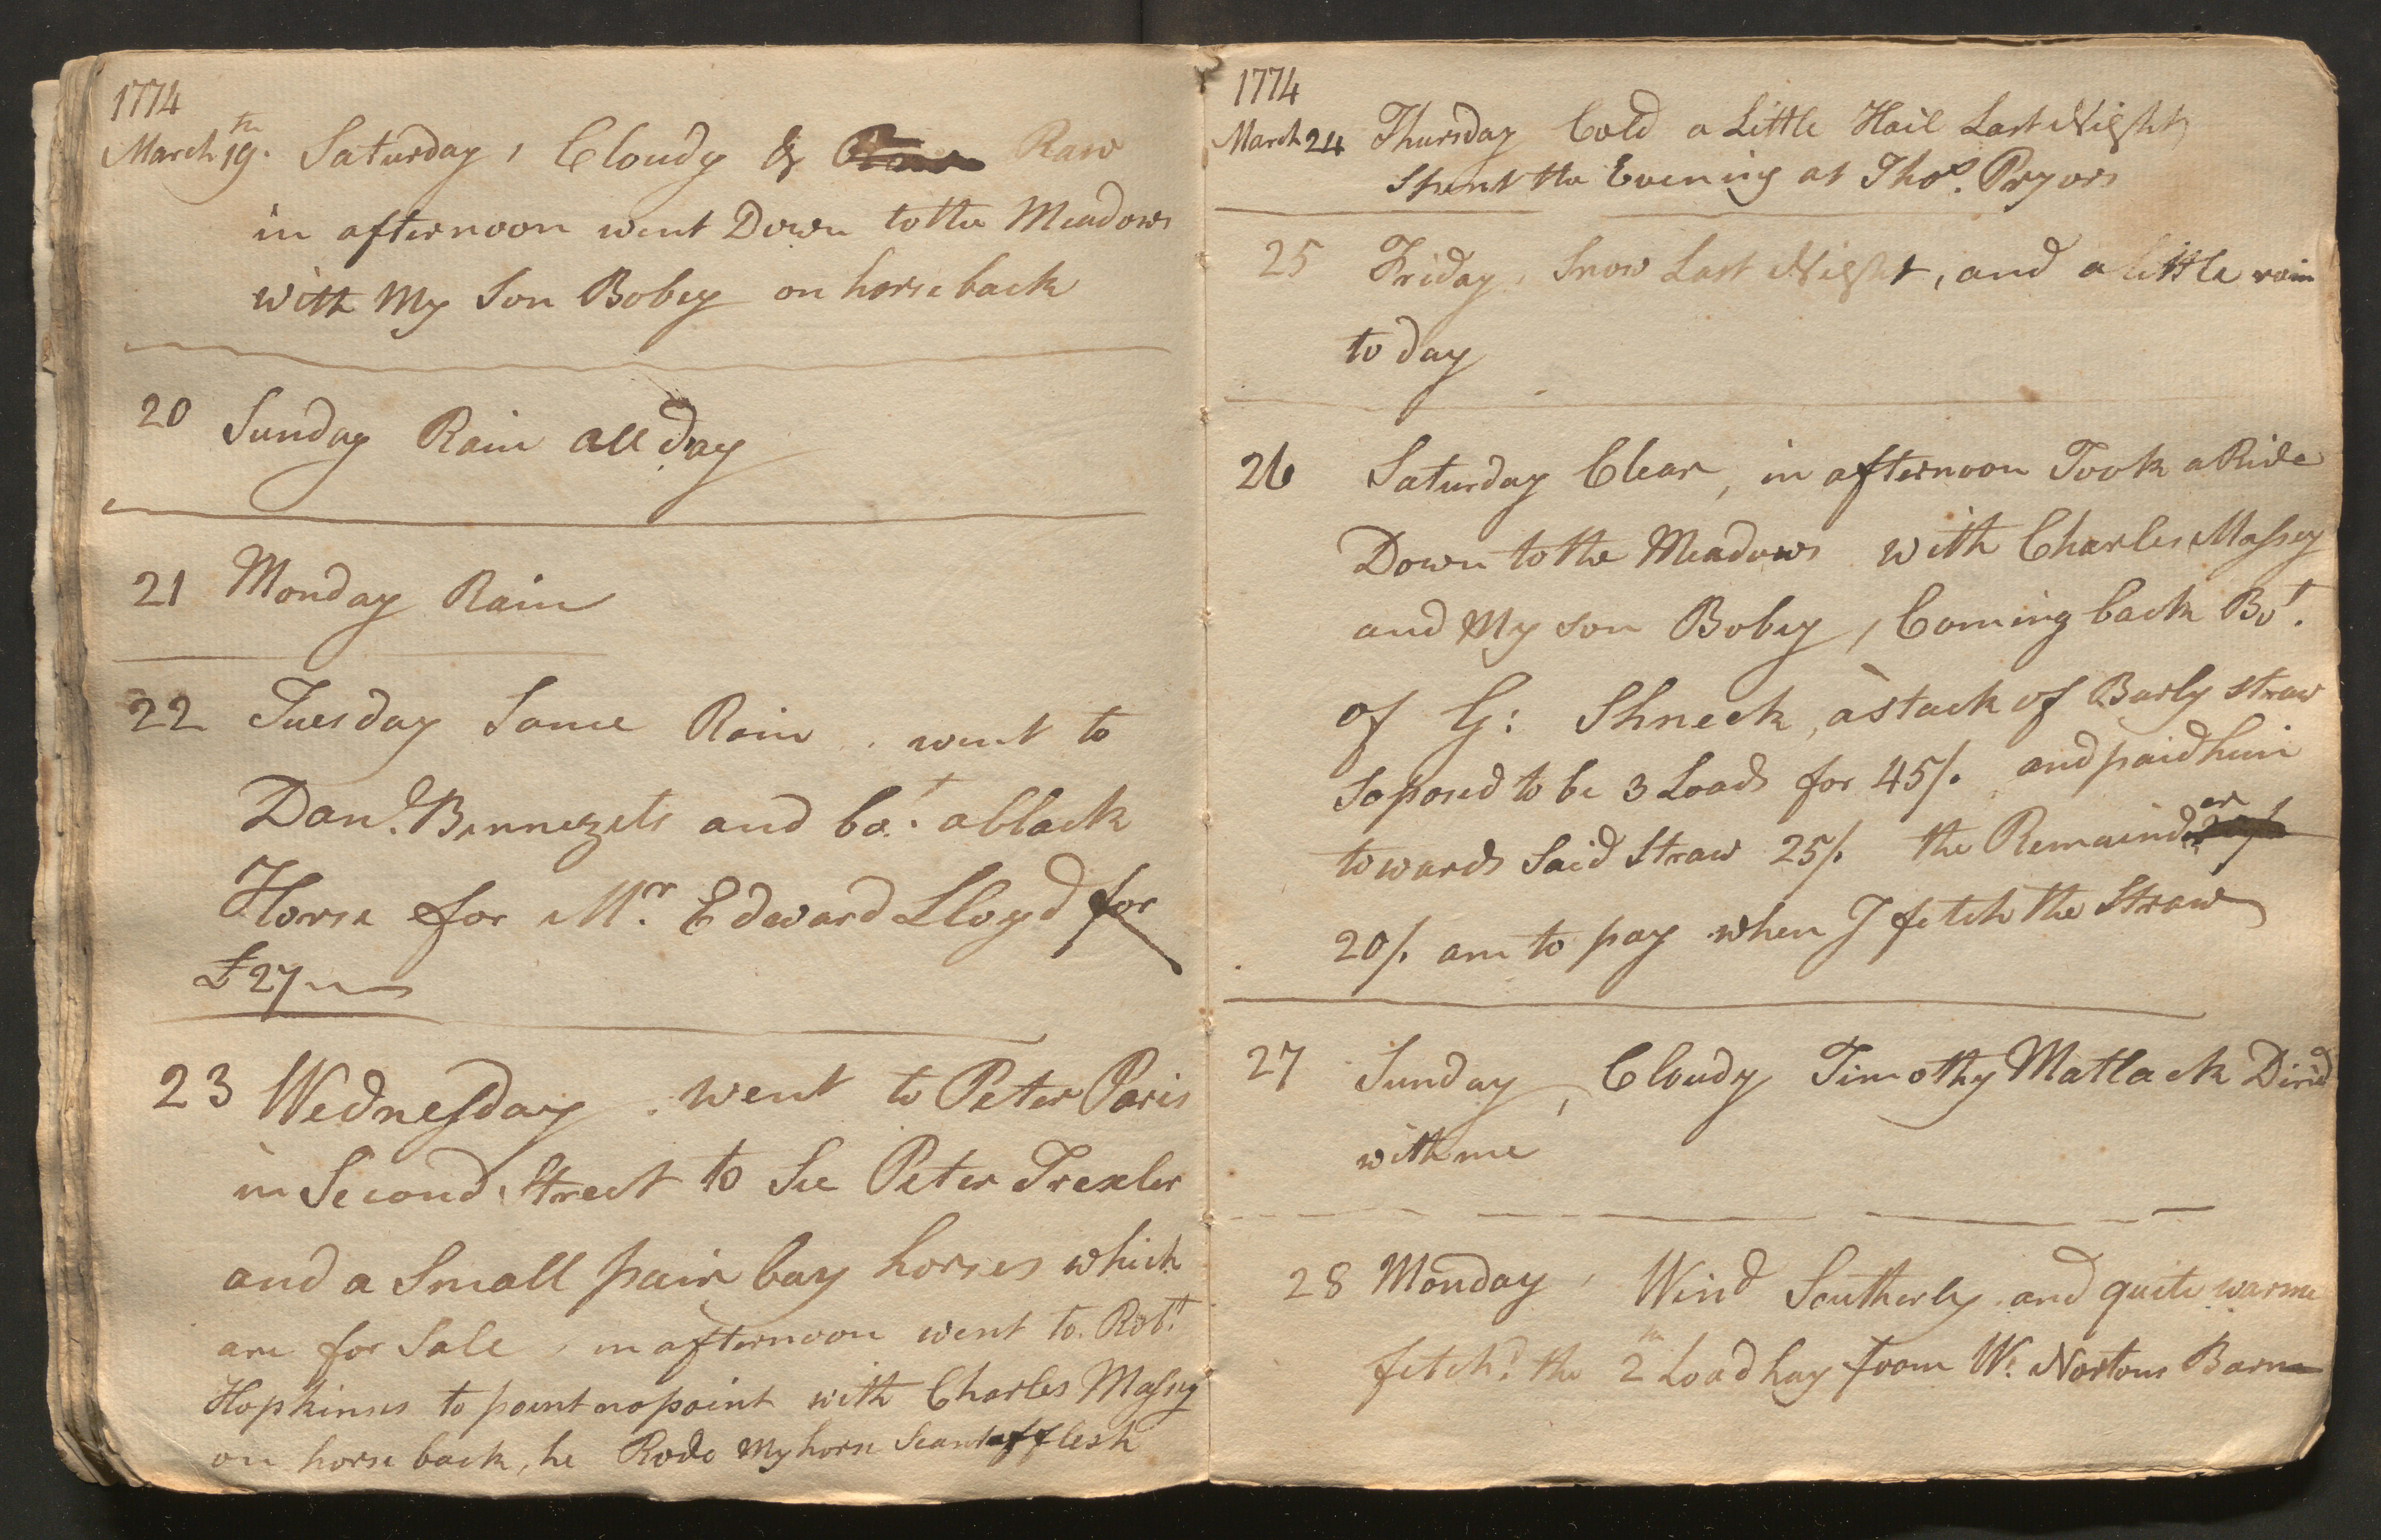1774
March 19^th. Saturday, Cloudy & [Rain] Raw
in afternoon went Down to the Meadow
with My Son Bobey on horse back
20 Sunday Rain all day
21 Monday Rain
22 Tuesday same Rain. went to
Dan^l. Bennezets and bo^t. a black
Horse for M^r. Edward Lloyd for
£27-
23 Wednesday. went to Peter Paris
in Second Street to see Peter Trexler
and a small pair bay horses which
are for Sale, in afternoon went to Rob^t.
Hopkinses to point nopoint with Charles Massey
on horse back, he Rode My horse Seastaflesh
1774
March 24 Thursday Cold a Little Hail Last Night
spent the Evening at Tho^s. Pryors
25 Friday, Snow Last Nigt, and a little rain
to day
26 Saturday Clear, in afternoon Took a Ride
Down to the Meadows with Charles Massey
and My son Bobey, Coming back Bo^t.
of G: Shneck a stack of Barly straw
and paid him
soposed to be 3 Loads for 45s.
towards Said Straw 25s. the Remaind^er [_____]
20s. am to pay when I fetch the Straw
27 Sunday Cloudy Timothy Matlack Din'd
with me
28 Monday. Wind Southerly and quite warm
fetch^d. the 2 Load hay foom W^r. Nortons Barn